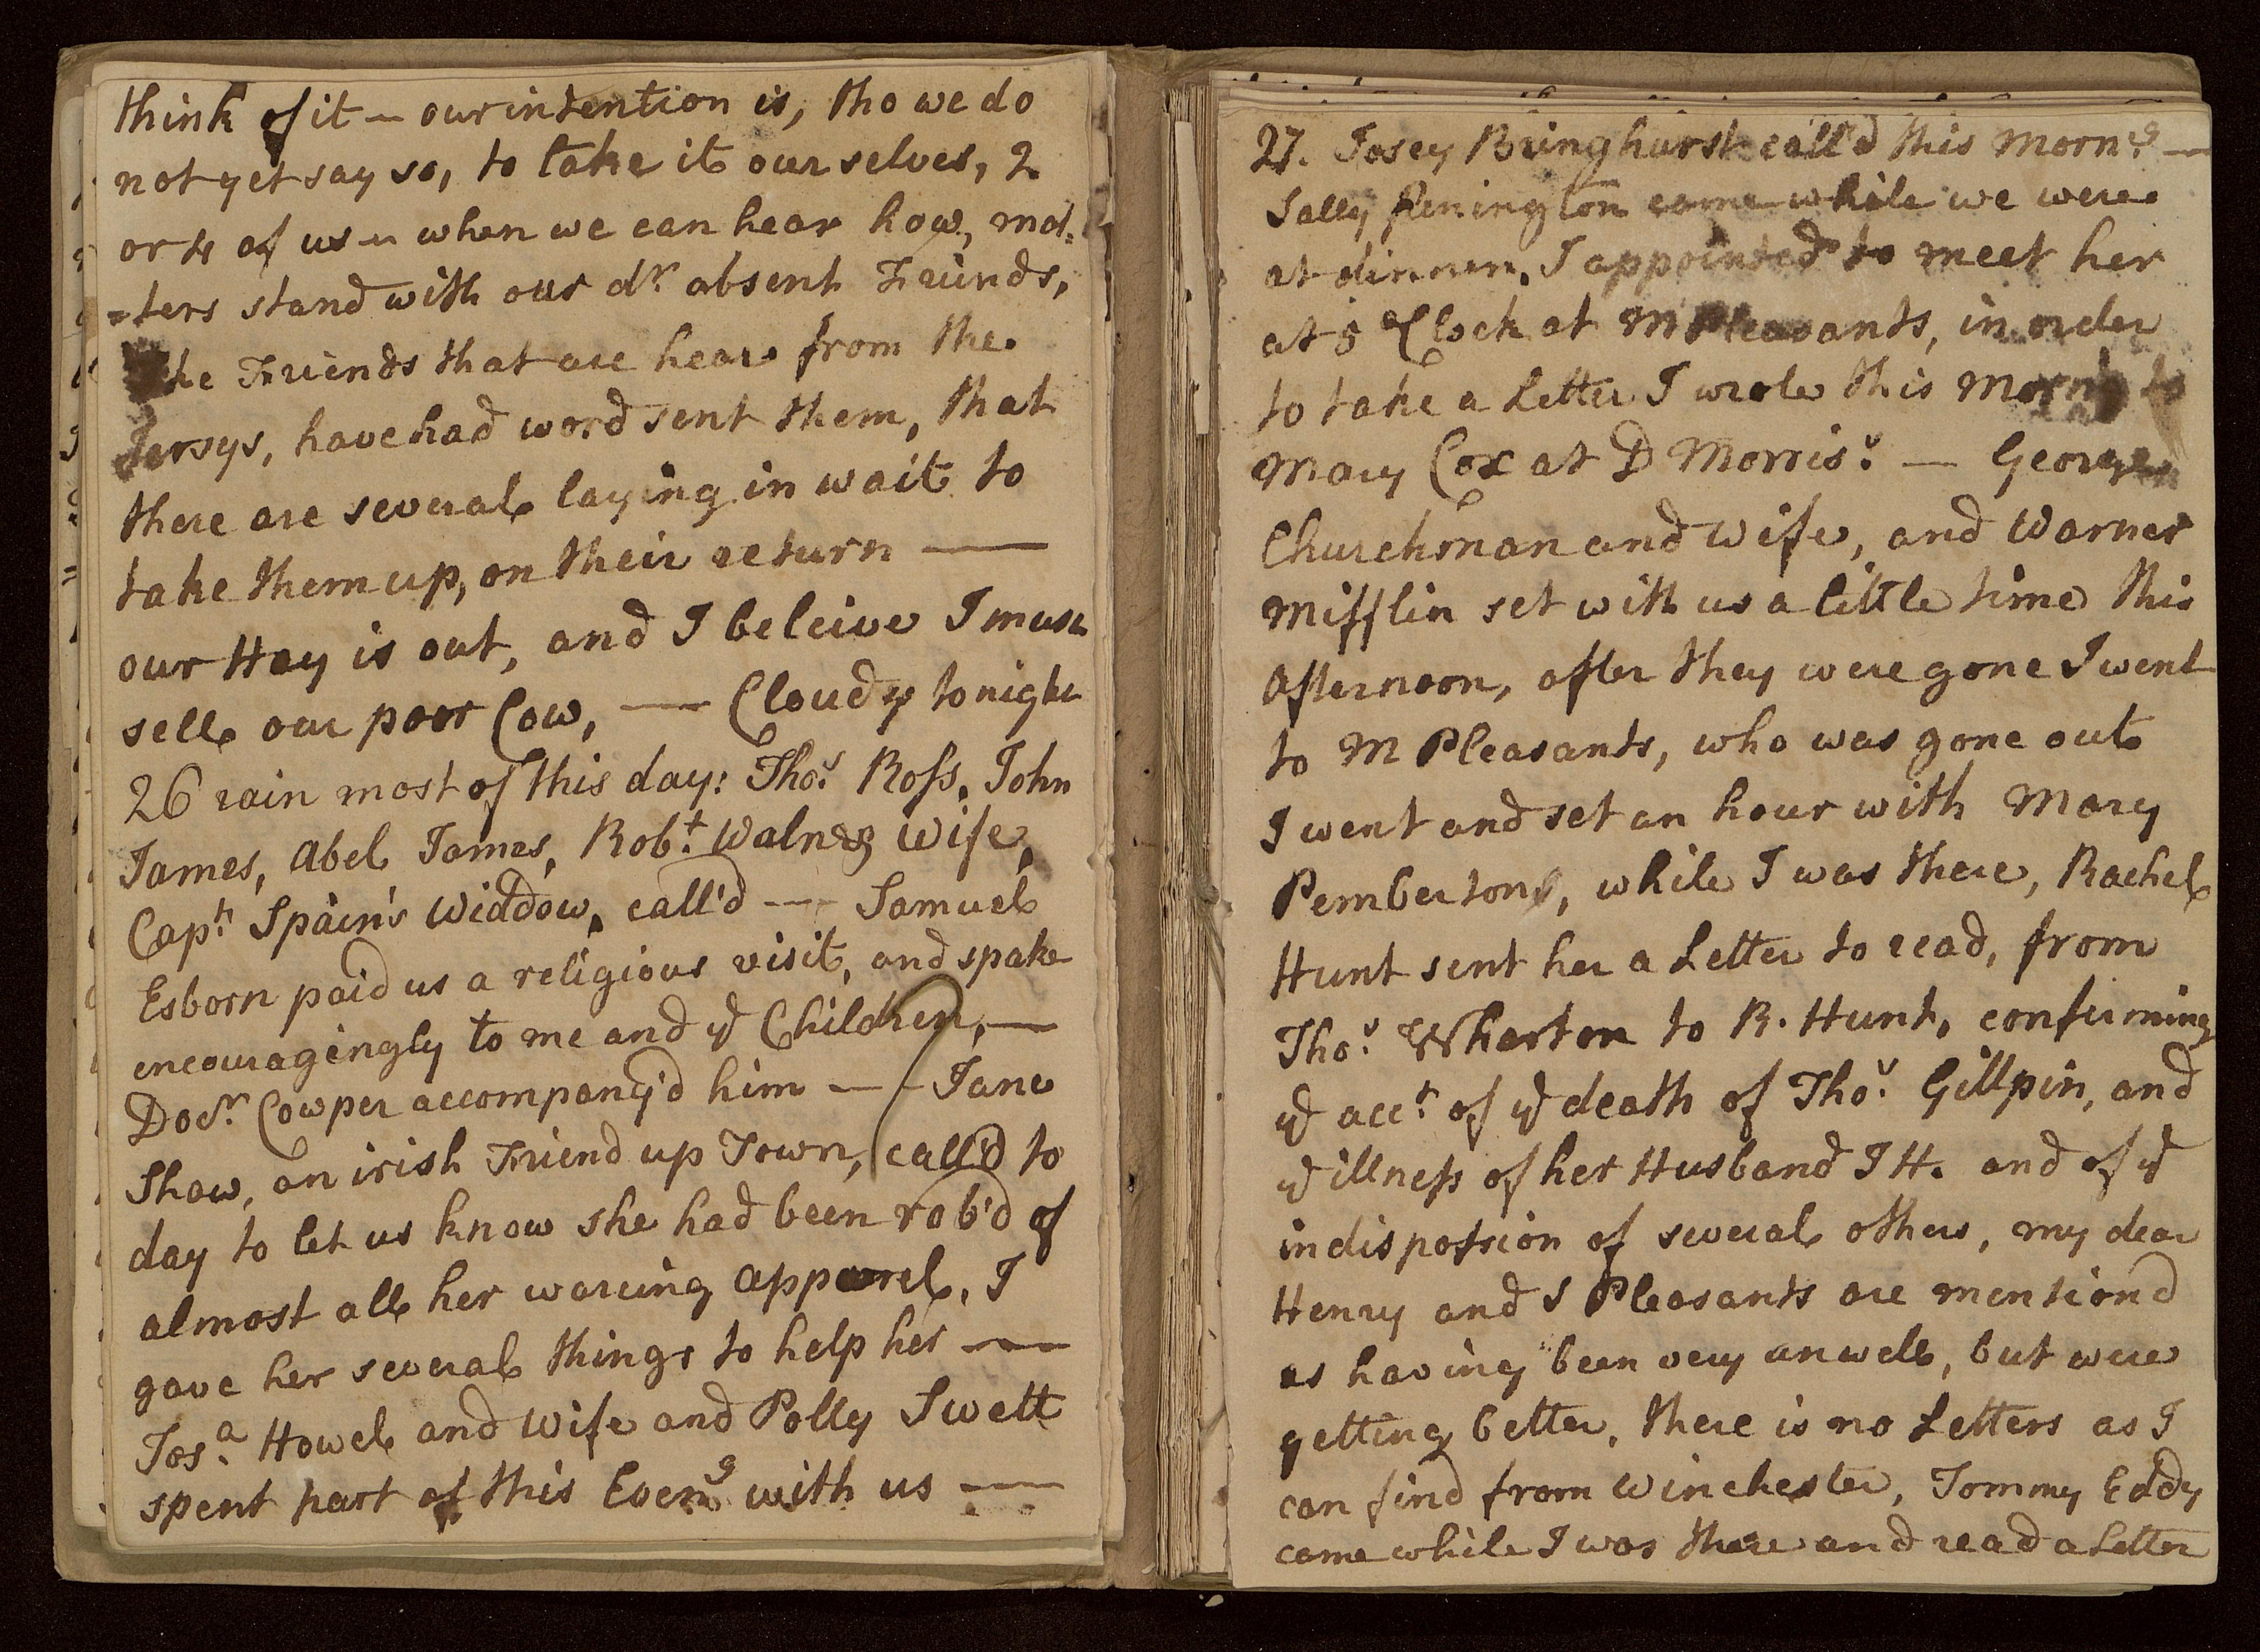think of it- our intention is, tho we do
not yet say so, to take it ourselves, 2
or 4 of us- when we can hear how, mot
-ters stand with our d^r. absent Friends,
The Friends that are hear from the
Jersys, have had word sent them, that
there are several laying in wait to
take them up, on their return-
our Hay is out, and I beleive I must
sell our poor Cow,- Cloudy to night
26 rain most of this days; Tho.^s Ross, John
James, Abel James, Rob^t. Waln & Wife,
Cap^t. Spain's Widdow, call'd- Samuel
Esborn paid us a religious visit, and spake
encouragingly to me and y^e Children,-
Doc^r. Cowper accompany'd him-Jane
Show, an irish Friend up Town, call'd to
day to let us know she had been rob'd of
almost all her wareing apparel, I
gave her several things to help her-
Jos^a. Howel and wife and Polly Swett
spent part of this Even^g. with us-
27. Josey Bringhurst call'd this morn^g.-
Sally Penington came while we were
at dinner, I appointed to meet her
at 5 ^o Clock at M Pleasants, in order
to take a Letter I wrote this morng to
Mary Cox at D Morris^s.- George
Churchman and wife, and Warner
Mifflin set with us a little time this
afternoon, after they were gone I went
to M Pleasants, who was gone out
I went and set an hour with Mary
Pembertons, while I was there, Rachel
Hunt sent her a Letter to read, from
Tho^s. Wharton to R. Hunt, confirming
y^e acc^t. of y^e death of Tho^s. Gillpin, and
y^e illness of her Husband JH. and of y^e
indispossion of several others, my dear
Henry and S Pleasants are mentiond
as having been very unwell, but was
getting better, there is no Letters as I
can find from Winchester, Tommy Eddy
come while I was there and read a Letter